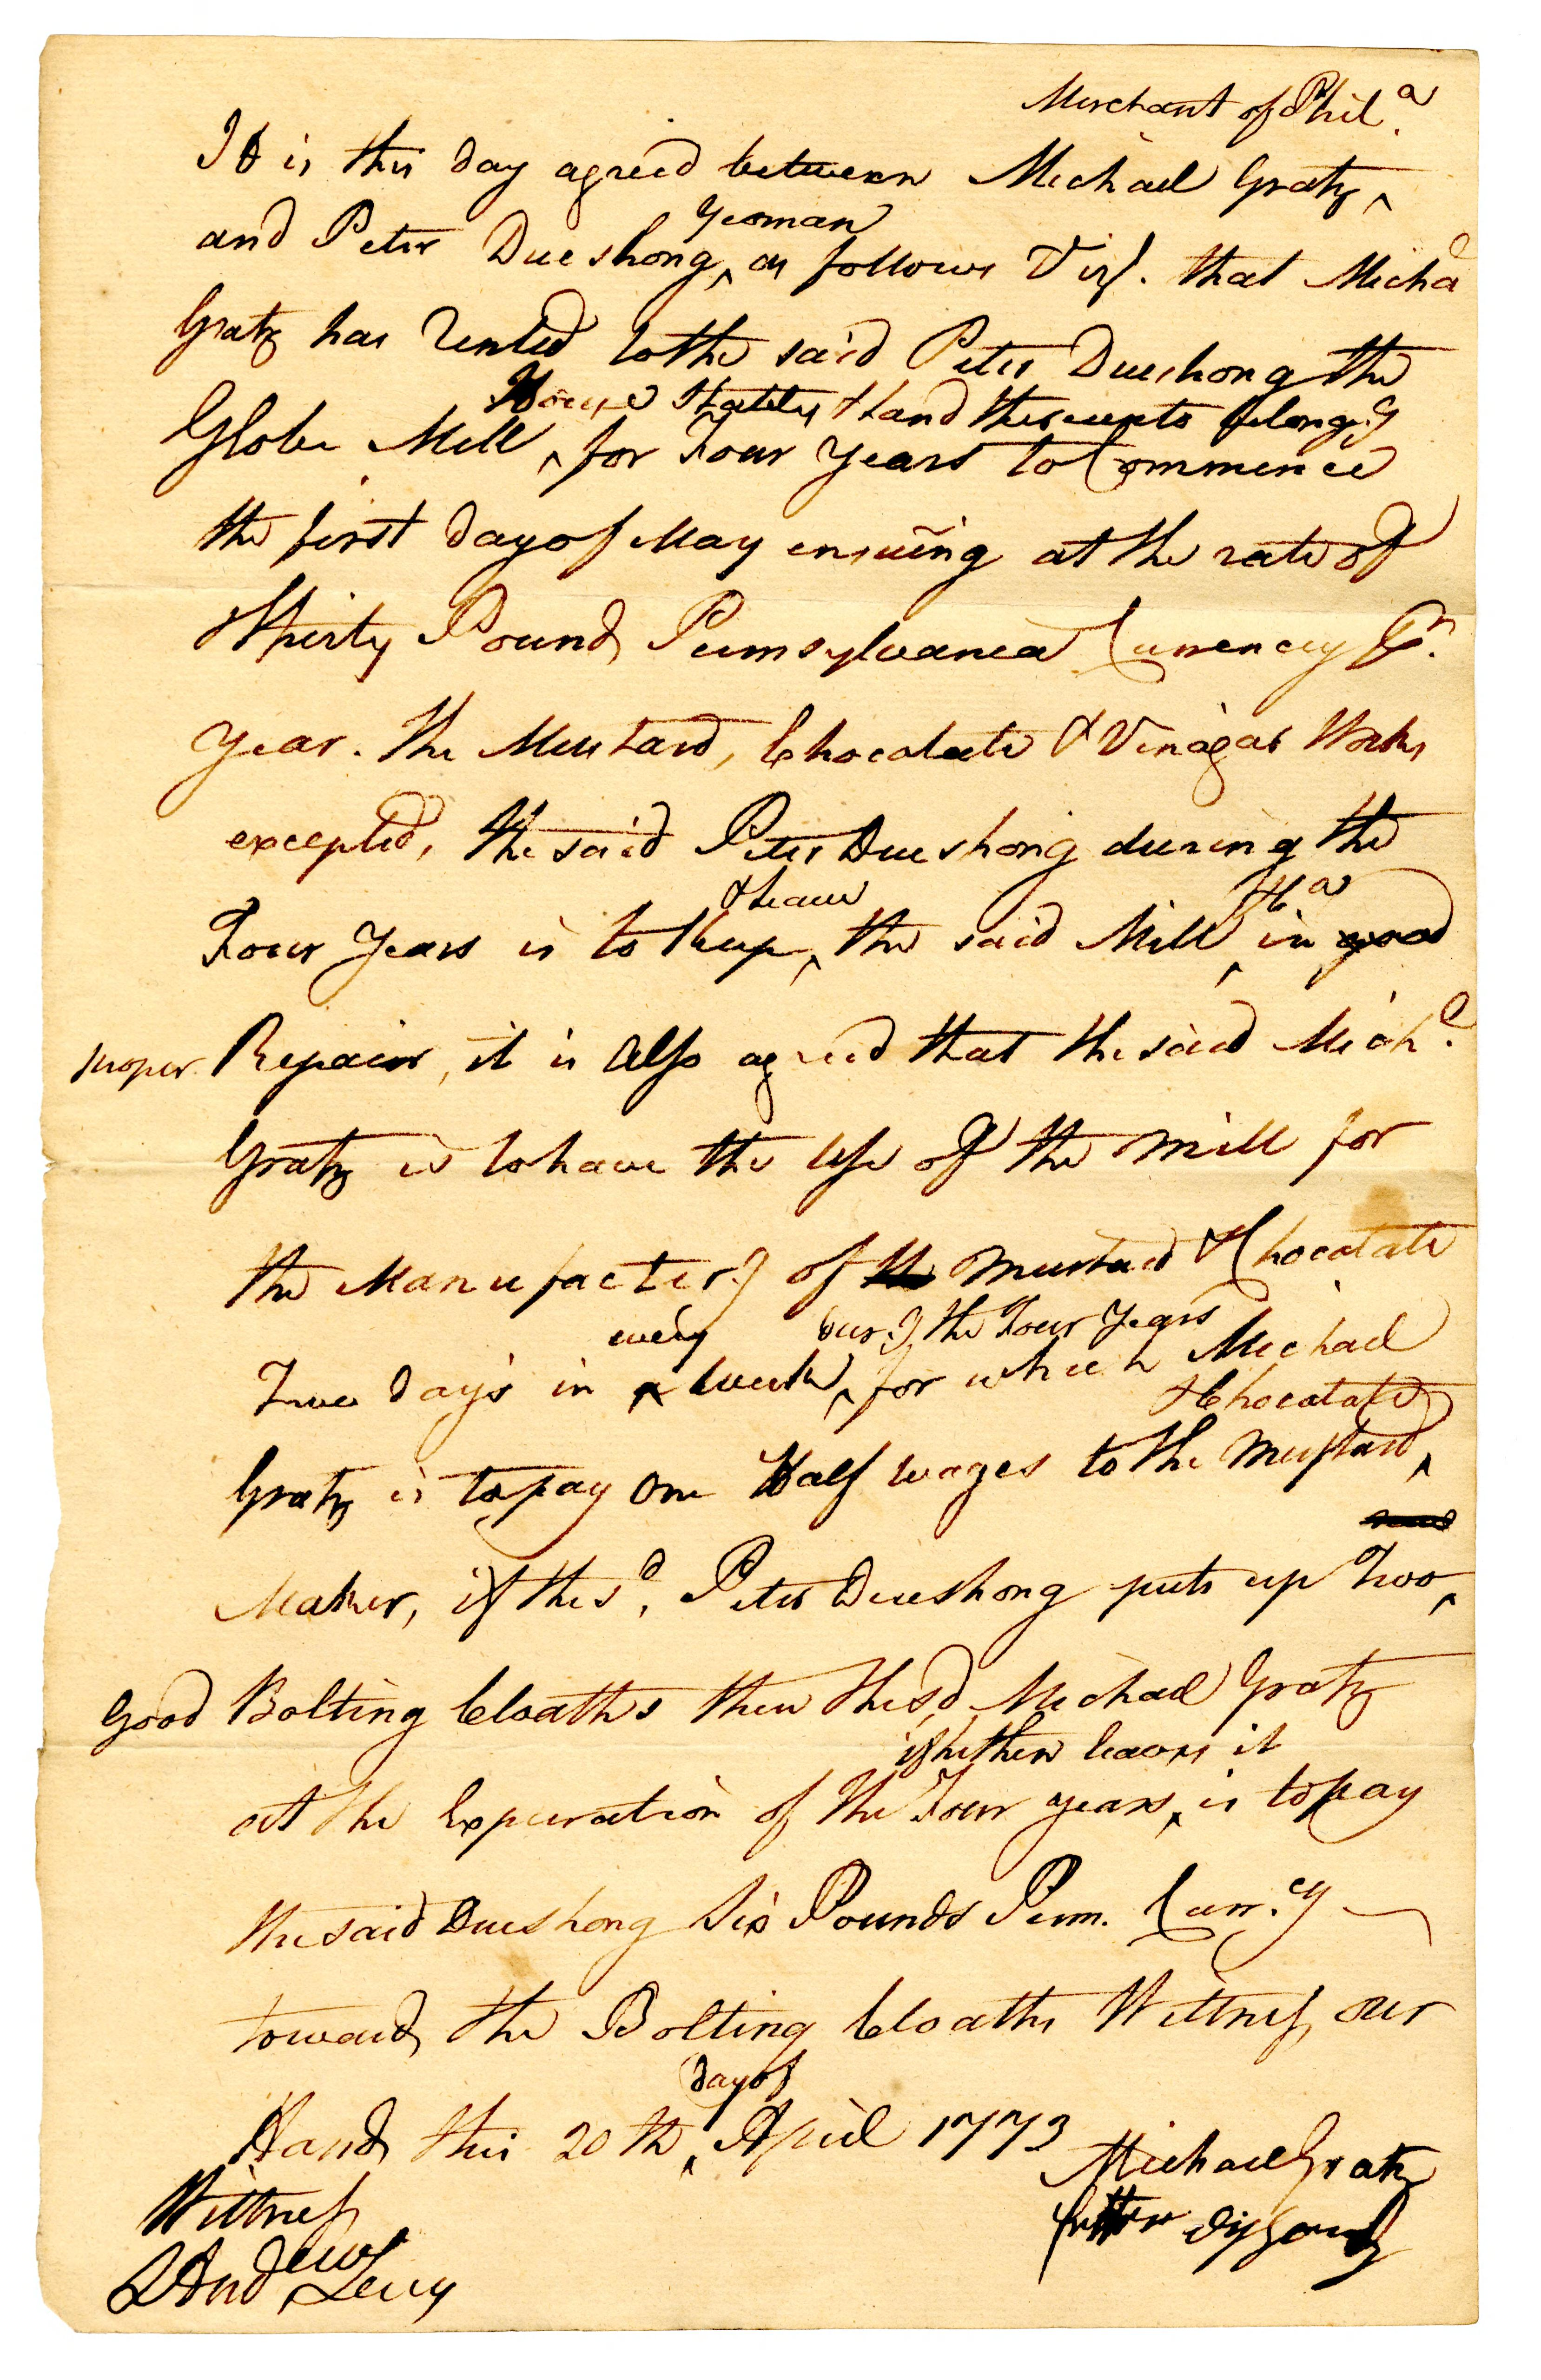It is this day agreed between Michael Gratz,
Merchant of Phil^a.
and Peter Dueshong, as follows Viz^t. that Micha^l
Yeoman
Gratz has rented to the said Peter Dueshong the
Globe Mill ^ for Four Years to Commence
House stalls & land thereunto belong^g
the first day of May ensuing at the rate of
Thirty Pound, Pennsylvania currency p^r.
year. The Mustard, Chocolate & vinegar Works
excepted, the said Peter Dueshong during the
Four Years is to keep the said Mill in [good]
& have
&c^a
proper Repair, it is Also agreed that the said Mich^l
gratz is to have the use of the mill for
the Manufactur^g of [_] mustard & Choolate
Five days in ^ week for which Michael
every
bus^g. the four years
& chocolate
Gratz is to pay one half wages to the Mustard ^
[_]
Maker, if the s^d. Peter Dueshong puts up Two
Good Bolting Cloaths then the s'd Michaed Gratz
at the Expiration of the four year is to pay
if he then leaves it
the said Dueshing Six Pounds Penn. Curr^cy-
toword, the Bolting Cloaths Wittnes, our
Hand this 20^th ^ April 1773
day of
Wittnes
Michael Gratz
Peter Dueshong
And^rew Levy